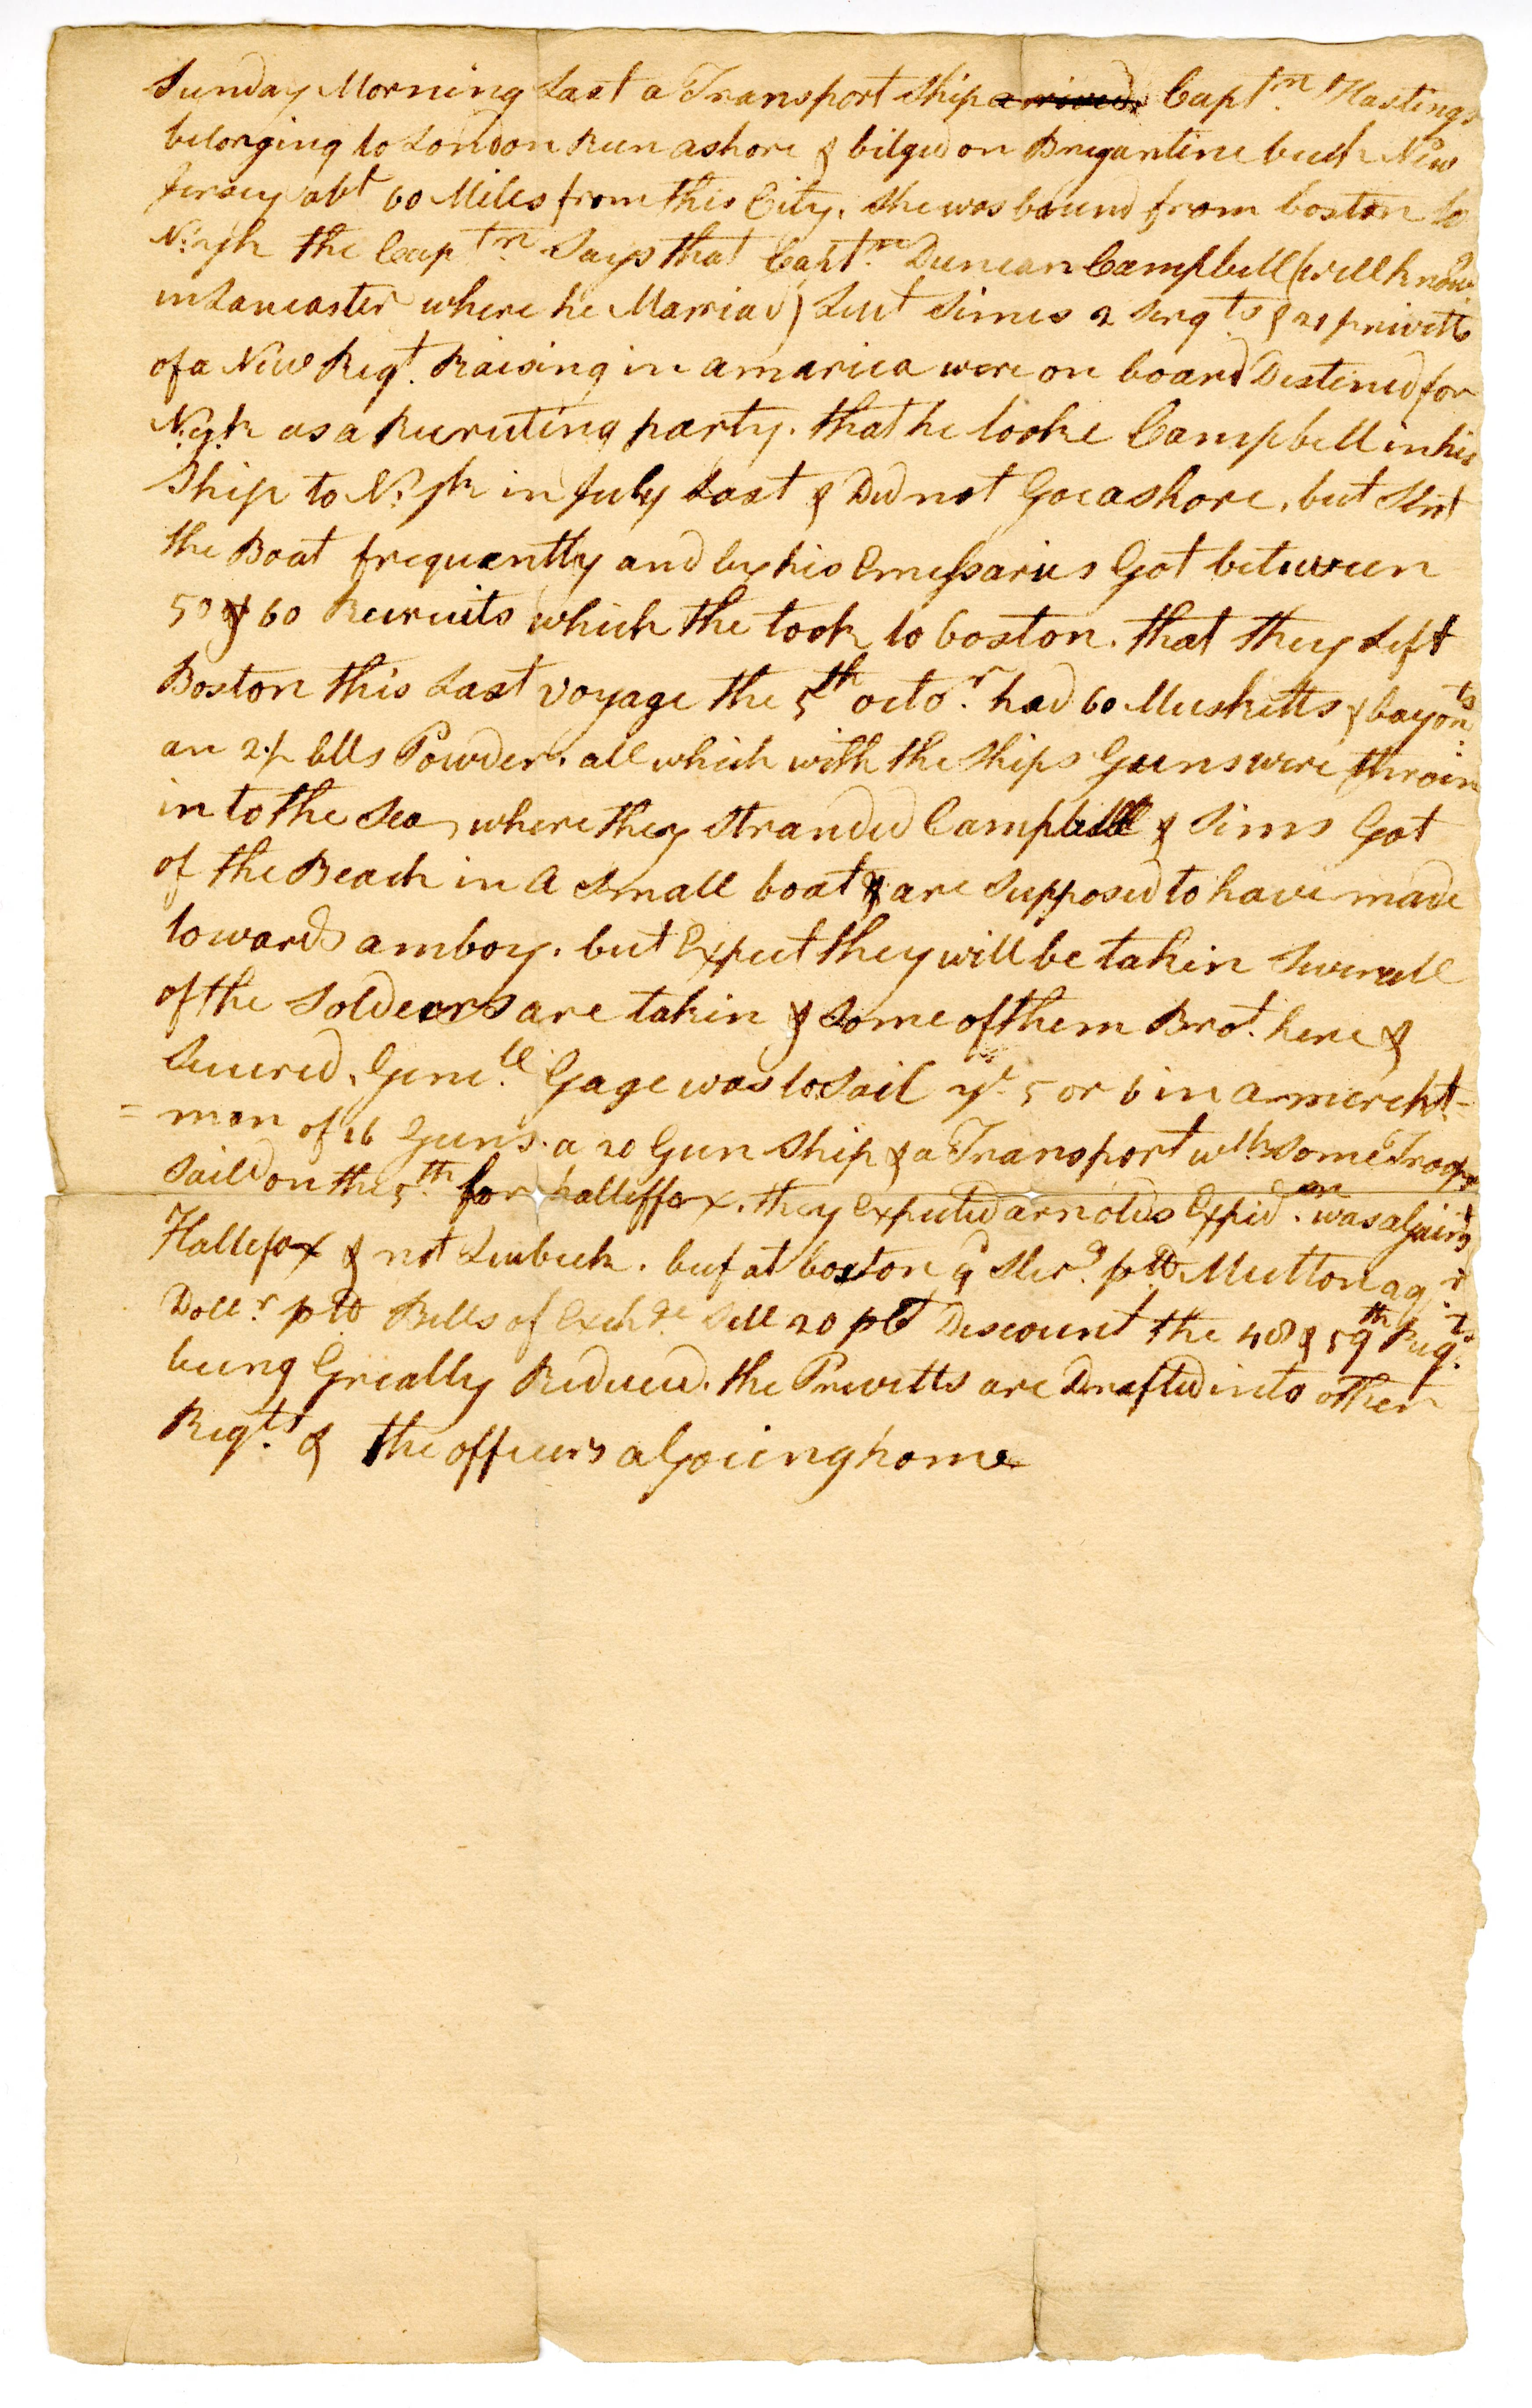Sunday Morning Last a Transport ship [arrived] Capt^n. Hasting
belonging to London Run ashore & bilged on Brigantine beach New
Jersey ab^t 60 Miles from this City, she was bound from Boston to
N: yk the Cap^tn. Says that Capt^n. Duncan Campbell (will know
in Lancaster where he Married) sent Sims 2 serg^ts. & 21 privetts
of a New Reg^t. Raising in amarica were on board Destined for
N: yk as a Recruiting party, that he tooke Campell in his
Ship to N: yl in July last & Did not Goe ashore, but Sent
the Boat frequently and by his emissaries Got between
50 & 60 Recruits which the took to boston that they left
Boston this Last voyage the 5^th octo^r. had 60 Massachusetts bayon^ts:
an 21 blls Powder all which with the ships Guns were thrown
in to the sea where they stranded Campbell & Sims Got
of the Beach in a small boat & are supposed to have made
toward amboy but Expect they will be takin Severall
of the Soldiers are takin & some of them Bro^t. here &
severed Gen^l Gage was to sail y^e. 5 or 6 in a merch^t
men of 16 Guns a 20 Gun Ship & a Transport with some Troops
saild on the 5^th. for hallifax, they expected arnolds Exped^on was against
Hallifax & not Leubeck. but at boston 9^d ster^g. p^d Mutton ag^t
Doll^r p to Bills of exch^ge sell 20 p^ct Discount the 40 & 59^th Reg^t
being Greatly reduced the Privetts are Drafted into other
Reg^ts: & the officers a Goeing home.